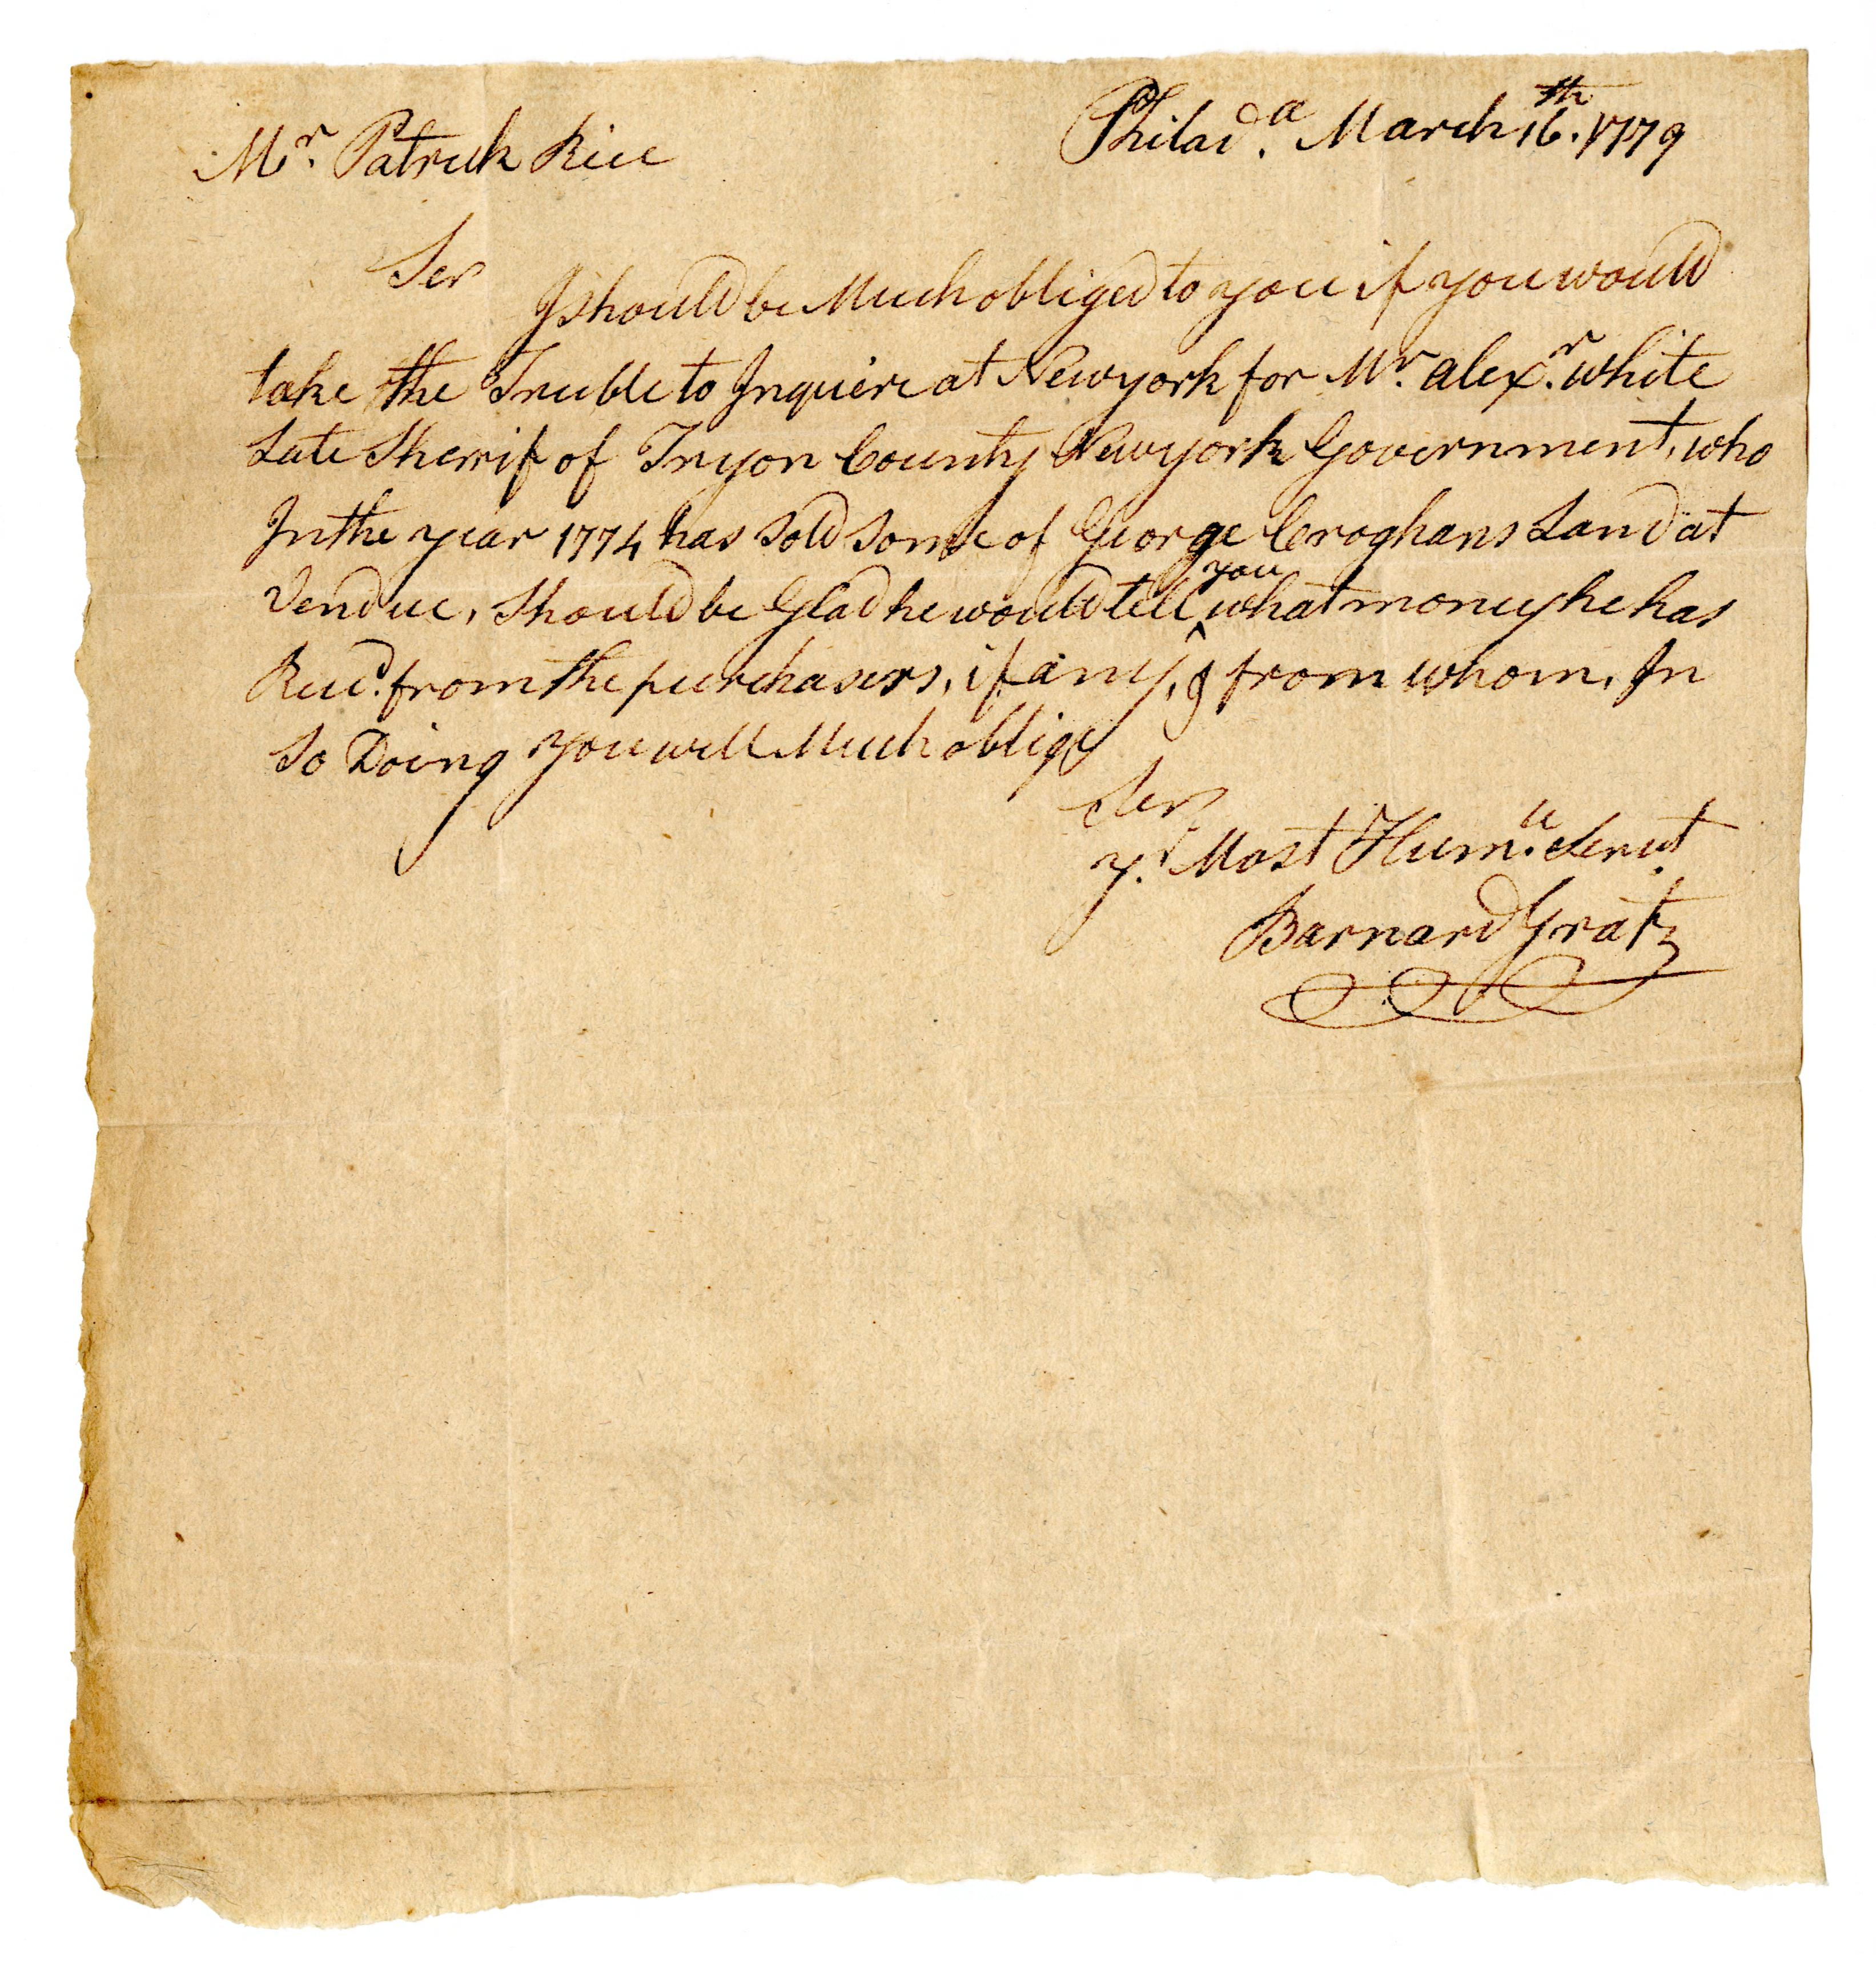Philad^a. March 16^th. 1779
M^r Patrick Rice
Sir
I should be much obliged to you if you would
take the trouble to inquire at New York for M^r. Alex^r. White
Late sherrif of Tryon County New york Government, who
In the year 1774 has sold some of George Croghans Land at
you
vendue, should be glad he would tell ^ what money he has
rec^d. from the purchase, if any, g from whom. In
so Doing you will Much oblige
Sir
y^r. Most Hum^le Serv^t.
Barnard Gratz